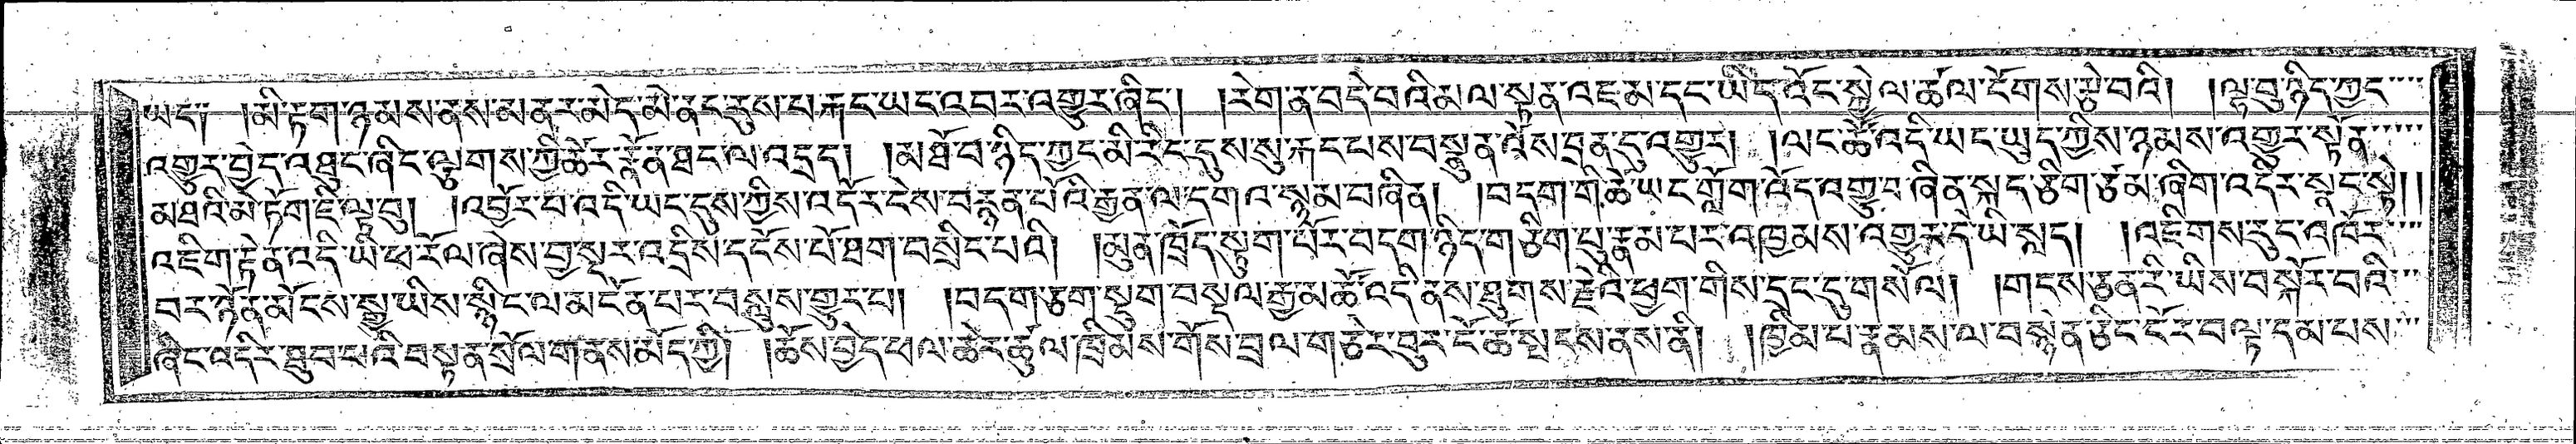ཡང༑ །མི་རྟག་ཉམས་ནས་མནར་མེད་མེ་ནང་རུས་པ་རྐང་ཡང་འབར་འགྱུར་ཞིང་། །རེག་ན་བདེ་བའི་མལ་སྟན་འཇམ་དང་ཡིད་འོང་སྐྱེལ་ཚལ་ངོགས་རྩེ་བའི། ལྷ་བུ་ཉིད་ཀྱང་
འགྱུར་བྱེད་འཐུང་ཞིང་ལྕགས་ཀྱི་ཚེར་རྣོན་ཐང་ལ་འདྲད། །མཐོ་བ་ཉིད་ཀྱང་མི་རིང་དུས་སུ་རྐང་པས་བསྣུན་འོས་བྲན་དུ་འགྱུར། །ལང་ཚོ་འདི་ཡང་ཡུད་ཀྱིས་ཉམས་འགྱུར་སྟོན་
མཐའི་མེ་ཏོག་ཇི་ལྟ་བུ། །འབྱོར་པ་འདི་ཡང་དུས་ཀྱིས་འདོར་ངེས་བརྙན་པོའི་རྒྱན་ལ་དགའ་སྙམ་བཞིན། །བདག་གི་ཚེ་ཡང་གློག་འོད་འགྱུར་བཞིན་སྐད་ཅིག་ཙམ་ཞིག་འདིར་སྣང་སྟེ། །
འཇིག་རྟེན་འདི་ཡི་ཕ་རོལ་ཞེས་བྱ་སྔར་འདྲིས་དངོས་པོ་ཐག་བསྲིང་པའི། །མུན་ཁྲོད་སྟུག་པོར་བདག་ཉིད་གཅིག་པུ་རྣམ་པར་འཁྱམས་འགྱུར་དེ་ཡི་སླད། །འཇིགས་རུང་འཁོར་
བར་ཉོན་མོངས་སྒྱུ་ཡིས་སྙིང་ལ་མངོན་པར་བསླུས་གྱུར་པ། །བདག་ཅག་སྡུག་བསྔལ་རྒྱ་མཚོ་འདི་ནས་ཐུགས་རྗེའི་ཕྱག་གིས་དྲང་དུ་གསོལ། །གངས་ཅན་རི་ཡིས་བསྐོར་བའི་
ཞིང་འདིར་ཐུག་པའི་བསྟན་སྲོལ་གནས་མོད་ཀྱི། །ཆོས་བྱེད་ཕལ་ཆེར་ཚུལ་ཁྲིམས་གོས་བྲལ་བཅེར་བུར་ངོ་ཚ་སྤངས་ནས་ནི། །ཁྱིམ་པ་རྣམས་ལ་བསྙེན་ཅིང་ངོར་བལྟ་དམ་པས་